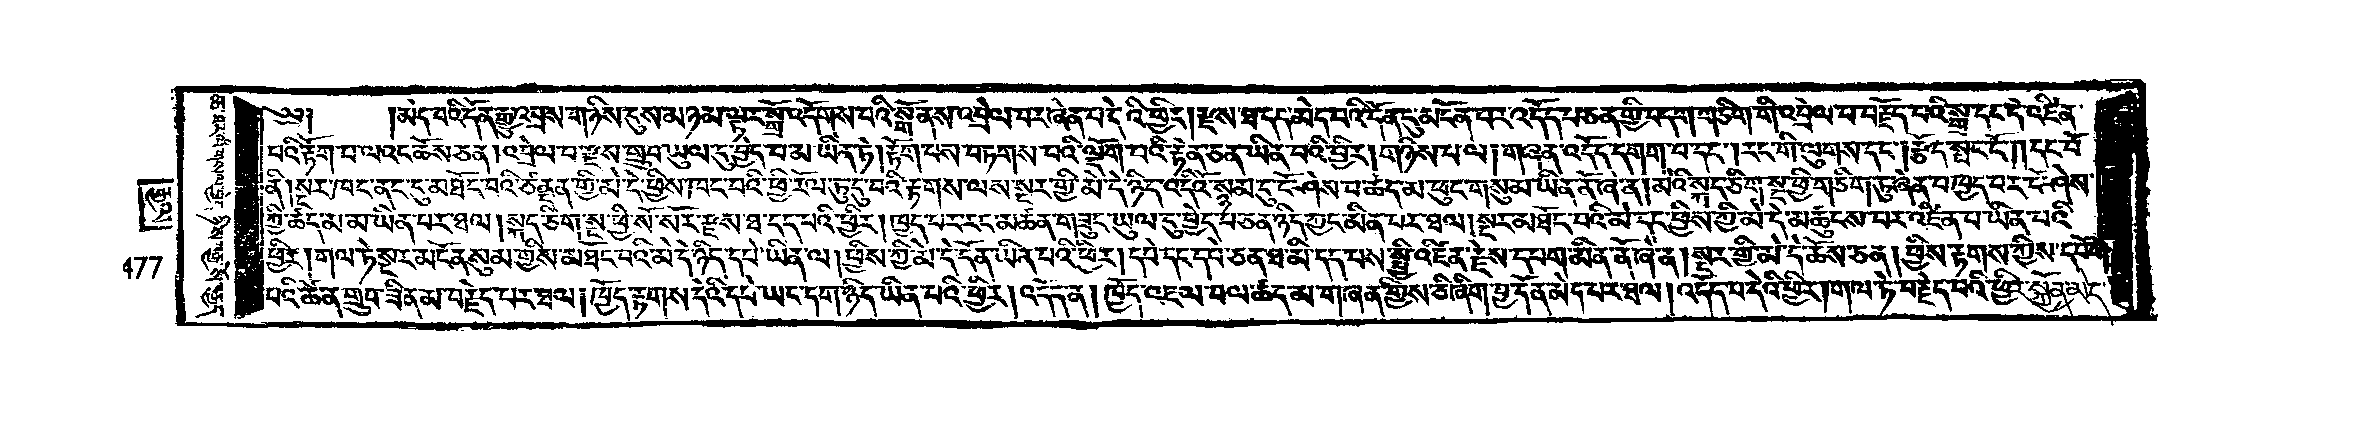༄༅། །མེད་པའི་དོན་རྒྱུ་འབྲས་གཉིས་དུས་མཉམ་ལྟར་སྒྲོ་འདོགས་པའི་སྒོ་ནས་འབྲེལ་བར་ཞེན་པ་དེའི་ཕྱིར། རྫས་ཐ་དད་མེད་པའི་དོན་དུ་མངོན་པར་འདོད་པ་ཅན་གྱི་བདག་གཅིག་གི་འབྲེལ་བ་བརྗོད་པའི་སྒྲ་དང་དེ་འཛིན་
པའི་རྟོག་པ་ལའང་ཆོས་ཅན། འབྲེལ་པ་རྫས་གྲུབ་ཡུལ་དུ་བྱེད་པ་མ་ཡིན་ཏེ། རྟོག་པས་བཏགས་པའི་ལྡོག་པའི་རྟེན་ཅན་ཡིན་པའི་ཕྱིར། གཉིས་པ་ལ། གཞན་འདོད་དགག་པ་དང་། རང་གི་ལུགས་དང་། རྩོད་སྤང་ངོ། །དང་པོ་
ནི། སྔར་ཁང་ནང་དུ་མཐོང་བའི་ཙནྡན་གྱི་མེ་དེ་ཕྱིས་ཁང་པའི་ཕྱི་རོལ་ཏུ་དུ་བའི་རྟགས་ལས་སྔར་གྱི་མེ་དེ་ཉིད་འདིའོ་སྙམ་དུ་ངོ་ཤེས་པ་ཚད་མ་ཕུང་གསུམ་ཡིན་ནོ་ཞེ་ན། མེའི་སྐད་ཅིག་སྔ་ཕྱི་གཅིག་ཏུ་ཞེན་པ་ཁྱད་པར་ངོ་ཤེས་
ཀྱི་ཚད་མ་མ་ཡིན་པར་ཐལ། སྐད་ཅིག་སྔ་ཕྱི་སོ་སོར་རྫས་ཐ་དད་པའི་ཕྱིར། ཁྱད་པར་རང་མཚན་གཟུང་ཡུལ་དུ་བྱེད་པ་ཅན་ཉིད་ཀྱང་མིན་པར་ཐལ། སྔར་མཐོང་བའི་མེ་དང་ཕྱིས་ཀྱི་མེ་དེ་མཚུངས་པར་འཛིན་པ་ཡིན་པའི་
ཕྱིར། གལ་ཏེ་སྔར་མངོན་སུམ་གྱིས་མཐོང་བའི་མེ་དེ་ཉིད་དཔེ་ཡིན་ལ། ཕྱིས་ཀྱི་མེ་དེ་དོན་ཡིན་པའི་ཕྱིར། དཔེ་དང་དཔེ་ཅན་ཐ་མི་དད་པས་སྤྱི་འཛིན་རྗེས་དཔག་མིན་ནོ་ཞེ་ན། སྔར་གྱི་མེ་དེ་ཆོས་ཅན་། ཕྱིས་རྟགས་ཀྱིས་དཔོག་
པའི་ཚེ་ན་གྲུབ་ཟིན་མ་བརྗེད་པར་ཐལ། ཁྱོད་རྟགས་དེའི་དཔེ་ཡང་དག་ཉིད་ཡིན་པའི་ཕྱིར། འདོད་ན། ཁྱོད་འཇལ་བལ་ཚད་མ་གཞན་གྱིས་ཅི་ཞིག་བྱ་དོན་མེད་པར་ཐལ། འདོད་པ་དེའི་ཕྱིར། གལ་ཏེ་བརྗེད་པའི་ཕྱིར་སྐྱོན་མེད་